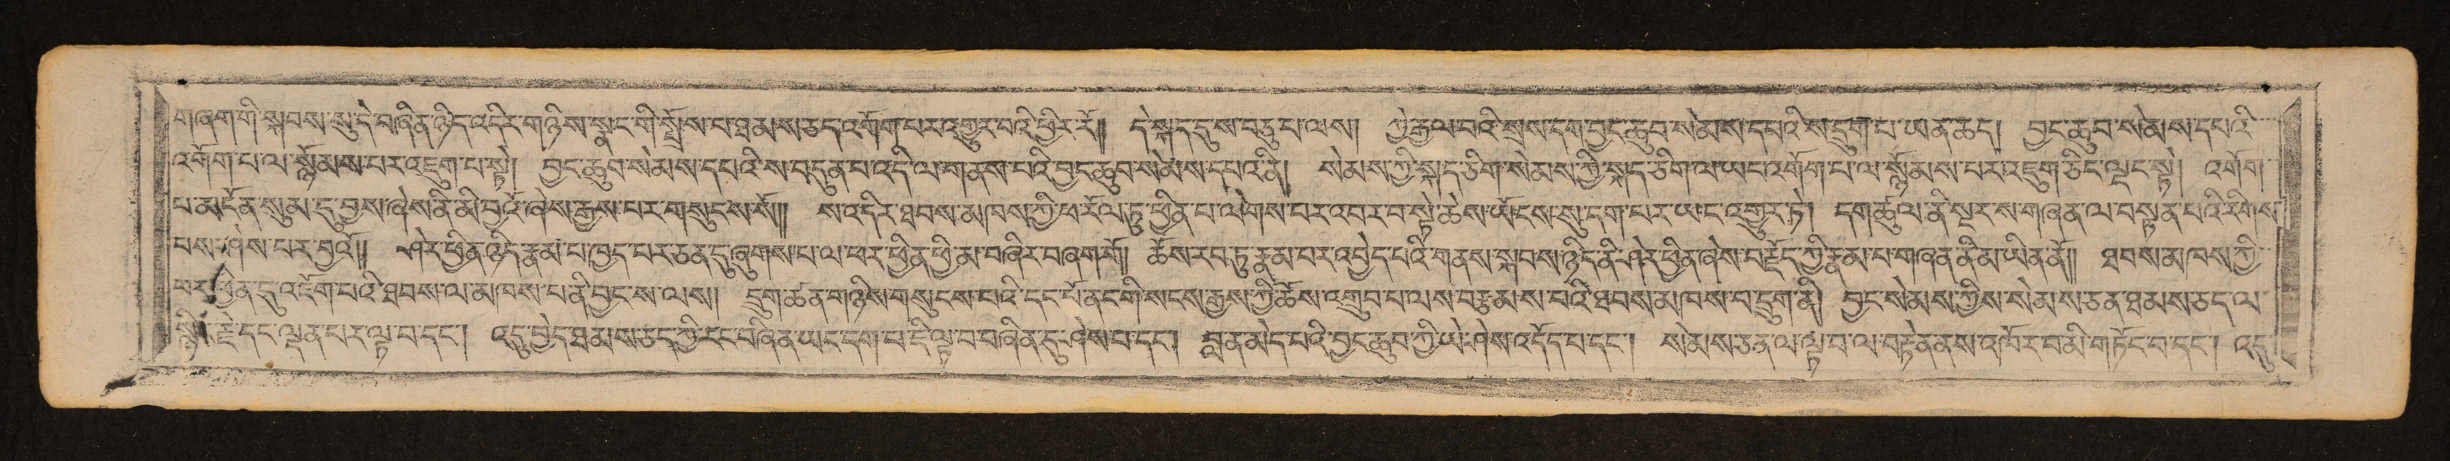གཞག་གི་སྐབས་སུ་དེ་བཞིན་ཉིད་འདིར་གཉིས་སྣང་གི་སྤྲོས་པ་ཐམས་ཅད་འགོག་པར་འགྱུར་བའི་ཕྱིར་རོ།། དེ་སྐད་དུ་ས་བཅུ་པ་ལས། ཀྱེ་རྒྱལ་བའི་སྲས་དག་བྱང་ཆུབ་སེམས་དཔའི་ས་དྲུག་པ་ཡན་ཆད། བྱང་ཆུབ་སེམས་དཔའི་
འགོག་པ་ལ་སྙོམས་པར་འཇུག་པ་སྟེ། བྱང་ཆུབ་སེམས་དཔའི་ས་བདུན་པ་འདི་ལ་གནས་པའི་བྱང་ཆུབ་སེམས་དཔའ་ནི། སེམས་ཀྱི་སྐད་ཅིག་སེམས་ཀྱི་སྐད་ཅིག་ལ་ཡང་འགོག་པ་ལ་སྙོམས་པར་འཇུག་ཅིང་ལྡང་སྟེ། འགོག་
པ་མངོན་སུམ་དུ་བྱས་ཞེས་ནི་མི་བྱའོ་ཞེས་རྒྱས་པར་གསུངས་སོ།། ས་འདིར་ཐབས་མཁས་ཀྱི་ཕ་རོལ་ཏུ་ཕྱིན་པ་ལེགས་པར་འབར་བ་སྟེ་ཆེས་ཡོངས་སུ་དག་པར་ཡང་འགྱུར་ཏེ། དག་ཚུལ་ནི་སྔར་ས་གཞན་ལ་བསྟན་པའི་རིགས་
པས་ཤེས་པར་བྱའོ།། ཤེར་ཕྱིན་ཉིད་རྣམ་པ་ཁྱད་པར་ཅན་དུ་ཞུགས་པ་ལ་ཕར་ཕྱིན་ཕྱི་མ་བཞིར་བཞག་གོ། ཆོས་རབ་ཏུ་རྣམ་པར་འབྱེད་པའི་གནས་སྐབས་ཉིད་ནི་ཤེར་ཕྱིན་ཞེས་བརྗོད་ཀྱི་རྣམ་པ་གཞན་ནི་མ་ཡིན་ནོ།། ཐབས་མཁས་ཀྱི་
ཕར་ཕྱིན་དུ་འཇོག་པའི་ཐབས་ལ་མཁས་པ་ནི་བྱང་ས་ལས། དྲུག་ཚན་གཉིས་གསུངས་པའི་དང་པོ་ནང་གི་སངས་རྒྱས་ཀྱི་ཆོས་འགྲུབ་པ་ལས་བརྩམས་པའི་ཐབས་མཁས་པ་དྲུག་ནི། བྱང་སེམས་ཀྱིས་སེམས་ཅན་ཐམས་ཅད་ལ་
སྙིང་རྗེ་དང་ལྡན་པར་ལྟ་བ་དང་། འདུ་བྱེད་ཐམས་ཅད་ཀྱི་རང་བཞིན་ཡང་དག་པ་ཇི་ལྟ་བ་བཞིན་དུ་ཤེས་པ་དང་། བླ་ན་མེད་པའི་བྱང་ཆུབ་ཀྱི་ཡེ་ཤེས་འདོད་པ་དང་། སེམས་ཅན་ལ་ལྟ་བ་ལ་བརྟེན་ནས་འཁོར་བ་མི་གཏོང་བ་དང་། འདུ་